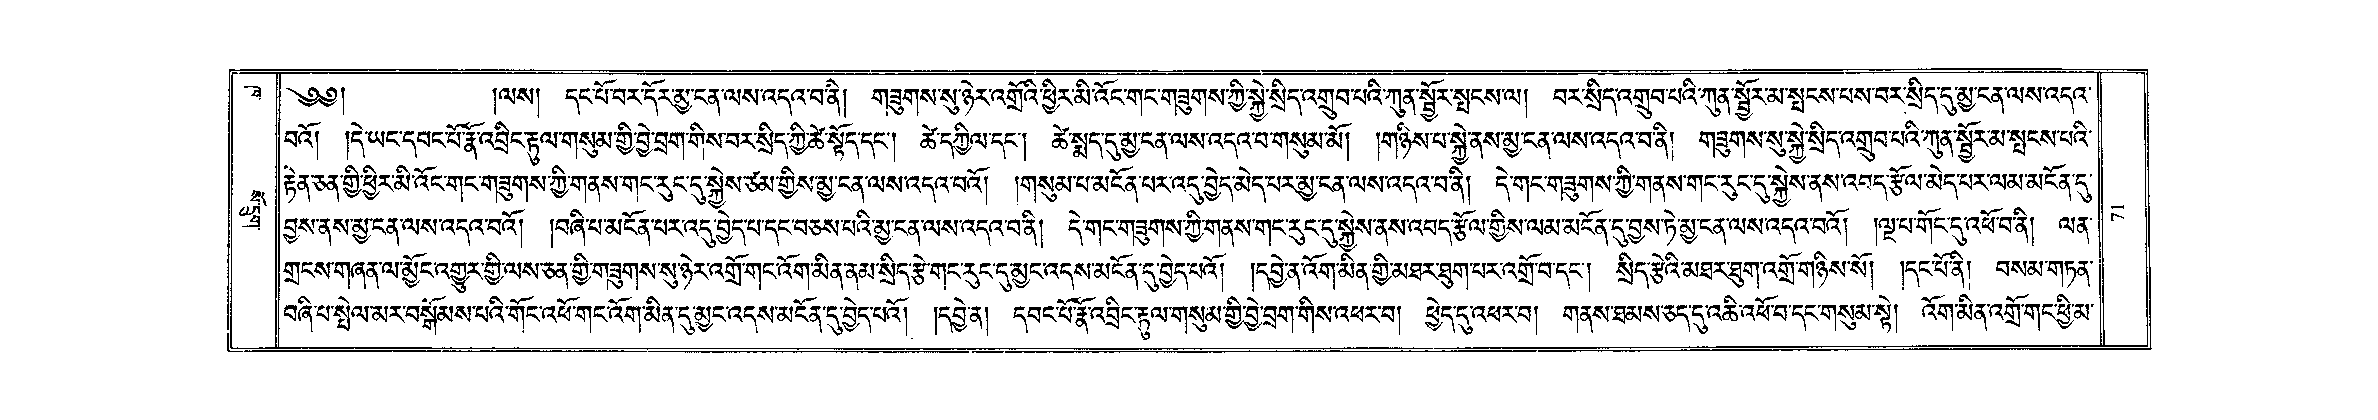༄༅། །ལས། དང་པོ་བར་དོར་མྱ་ངན་ལས་འདའ་བ་ནི། གཟུགས་སུ་ཉེར་འགྲོའི་ཕྱིར་མི་འོང་གང་གཟུགས་ཀྱི་སྐྱེ་སྲིད་འགྲུབ་པའི་ཀུན་སྦྱོར་སྤངས་ལ། བར་སྲིད་འགྲུབ་པའི་ཀུན་སྦྱོར་མ་སྤངས་པས་བར་སྲིད་དུ་མྱ་ངན་ལས་འདའ་
བའོ། །དེ་ཡང་དབང་པོ་རྣོ་འབྲིང་རྟུལ་གསུམ་གྱི་བྱེ་བྲག་གིས་བར་སྲིད་ཀྱི་ཚེ་སྟོད་དང་། ཚེ་དཀྱིལ་དང་། ཚེ་སྨད་དུ་མྱ་ངན་ལས་འདའ་བ་གསུམ་མོ། །གཉིས་པ་སྐྱེ་ནས་མྱ་ངན་ལས་འདའ་བ་ནི། གཟུགས་སུ་སྐྱེ་སྲིད་འགྲུབ་པའི་ཀུན་སྦྱོར་མ་སྤངས་པའི་
རྟེན་ཅན་གྱི་ཕྱིར་མི་འོང་གང་གཟུགས་ཀྱི་གནས་གང་རུང་དུ་སྐྱེས་ཙམ་གྱིས་མྱ་ངན་ལས་འདའ་བའོ། །གསུམ་པ་མངོན་པར་འདུ་བྱེད་མེད་པར་མྱ་ངན་ལས་འདའ་བ་ནི། དེ་གང་གཟུགས་ཀྱི་གནས་གང་རུང་དུ་སྐྱེས་ནས་འབད་རྩོལ་མེད་པར་ལམ་མངོན་དུ་
བྱས་ནས་མྱ་ངན་ལས་འདའ་བའོ། །བཞི་པ་མངོན་པར་འདུ་བྱེད་པ་དང་བཅས་པའི་མྱ་ངན་ལས་འདའ་བ་ནི། དེ་གང་གཟུགས་ཀྱི་གནས་གང་རུང་དུ་སྐྱེས་ནས་འབད་རྩོལ་གྱིས་ལམ་མངོན་དུ་བྱས་ཏེ་མྱ་ངན་ལས་འདའ་བའོ། །ལྔ་པ་གོང་དུ་འཕོ་བ་ནི། ལན་
གྲངས་གཞན་ལ་མྱོང་འགྱུར་གྱི་ལས་ཅན་གྱི་གཟུགས་སུ་ཉེར་འགྲོ་གང་འོག་མིན་ནམ་སྲིད་རྩེ་གང་རུང་དུ་མྱང་འདས་མངོན་དུ་བྱེད་པའོ། །དབྱེ་ན་འོག་མིན་གྱི་མཐར་ཐུག་པར་འགྲོ་བ་དང་། སྲིད་རྩེའི་མཐར་ཐུག་འགྲོ་གཉིས་སོ། །དང་པོ་ནི། བསམ་གཏན་
བཞི་པ་སྤེལ་མར་བསྒོམས་པའི་གོང་འཕོ་གང་འོག་མིན་དུ་མྱང་འདས་མངོན་དུ་བྱེད་པའོ། །དབྱེ་ན། དབང་པོ་རྣོ་འབྲིང་རྟུལ་གསུམ་གྱི་བྱེ་བྲག་གིས་འཕར་བ། ཕྱེད་དུ་འཕར་བ། གནས་ཐམས་ཅད་དུ་འཆི་འཕོ་བ་དང་གསུམ་སྟེ། འོག་མིན་འགྲོ་གང་ཕྱི་མ་